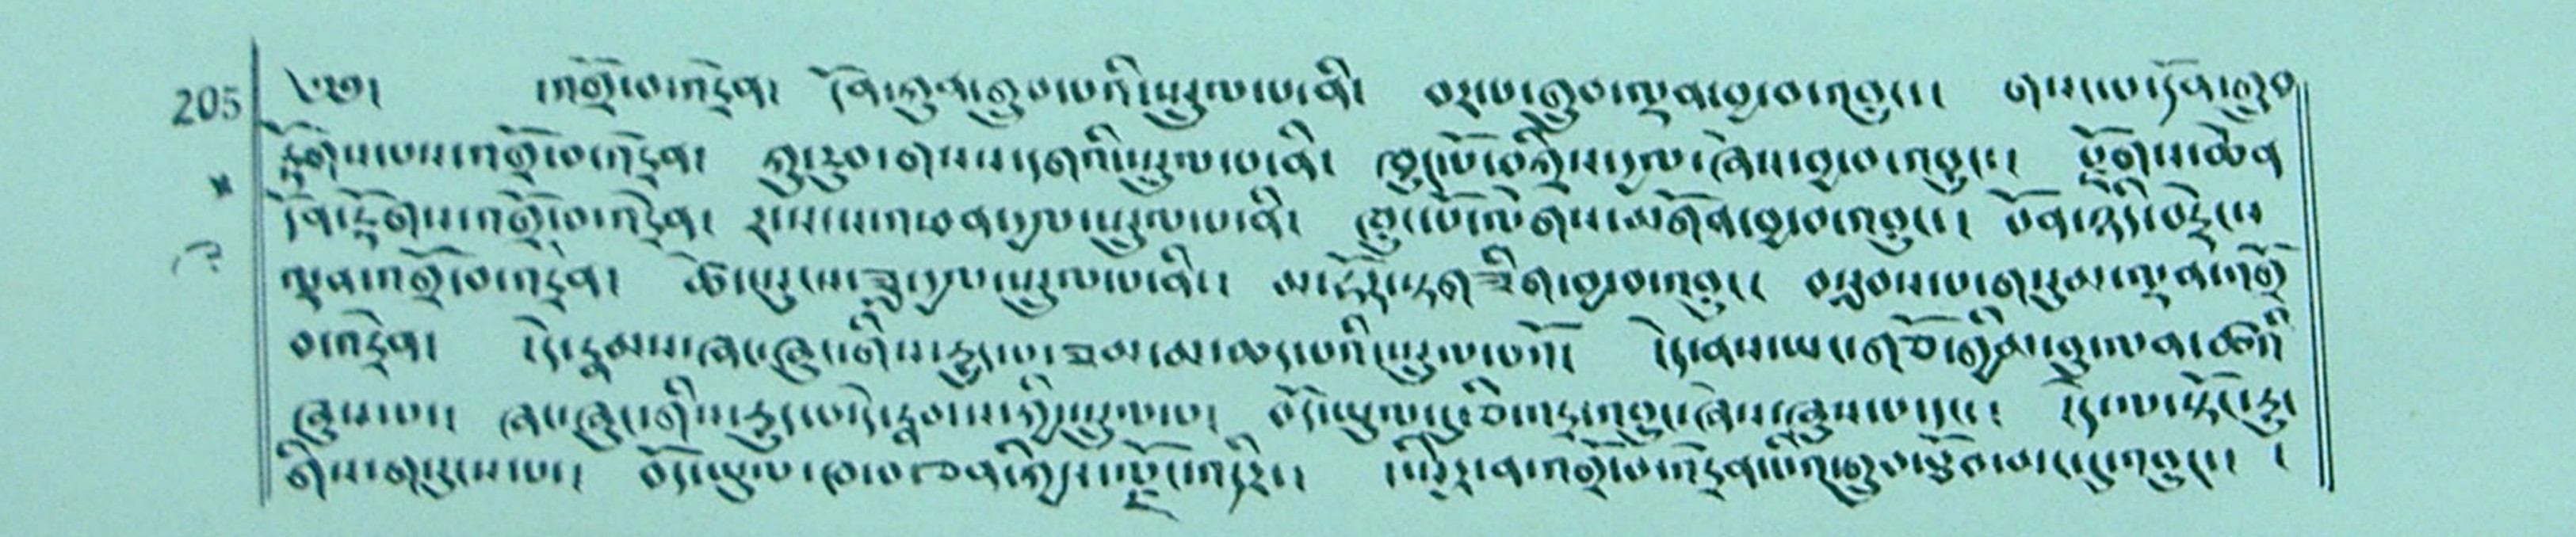༄༅། །འགྲོ་བ་འདྲེན། དོན་ཀུན་གྲུབ་པའི་སྤྲུལ་པ་ནི། བར་བ་གྲུབ་ལྡན་བྱ་བ་འབྱུང་། གསང་བ་དོན་གྲུབ་
རྟོགས་པས་འགྲོ་བ་འདྲེན། ཀུ་རུབ་གསས་དགའི་སྤྲུལ་པ་ནི། ཁྱུང་བོ་བཀྲ་ཤིས་རྒྱལ་ཞེས་བྱ་བ་འབྱུང་། རྫོགས་ཆེན་
དོན་རྟོགས་འགྲོ་བ་འདྲེན། ར་སངས་འཕན་རྒྱལ་སྤྲུལ་པ་ནི། ཁྱུང་བོ་ལེགས་མགོན་བྱ་བ་འབྱུང་། བོན་ཉིད་བརྡེངས་
ལྡན་འགྲོ་བ་འདྲེན། ཚེ་སྤུངས་ཟླ་རྒྱལ་སྤྲུལ་པ་ནི། མ་ཧོར་སྟགཟིག་བྱ་བ་འབྱུང་། བསླབ་གསུམ་དོན་ལྡན་འགྲོ་
བ་འདྲེན། དེ་རྣམས་ཞང་ཞུང་གི་རྒྱུད་པ་ཟམ་མ་ཆད་པའི་སྤྲུལ་པའོ། །དེ་ནས་ཡང་གཅོ་གྱིམ་བུ་ལན་ཚའི་
ཞུས་པ། ཞང་ཞུང་གི་རྒྱུད་པ་དེ་རྣམས་ཀྱི་སྤྲུལ་པ། བོད་ཡུལ་དུ་ཇི་འདྲ་འབྱུང་ཞེས་ཞུས་པ་དང་། དེ་ལ་སྟོང་རྒྱུང་
གིས་གསུངས་པ། བོད་ཡུལ་ཁ་བ་ཅན་གྱི་ལྗོངས་འདིར། སྤྱིར་ན་འགྲོ་བ་འདྲེན་པའི་གྲུབ་ཐོབ་མང་དུ་འབྱུང་།